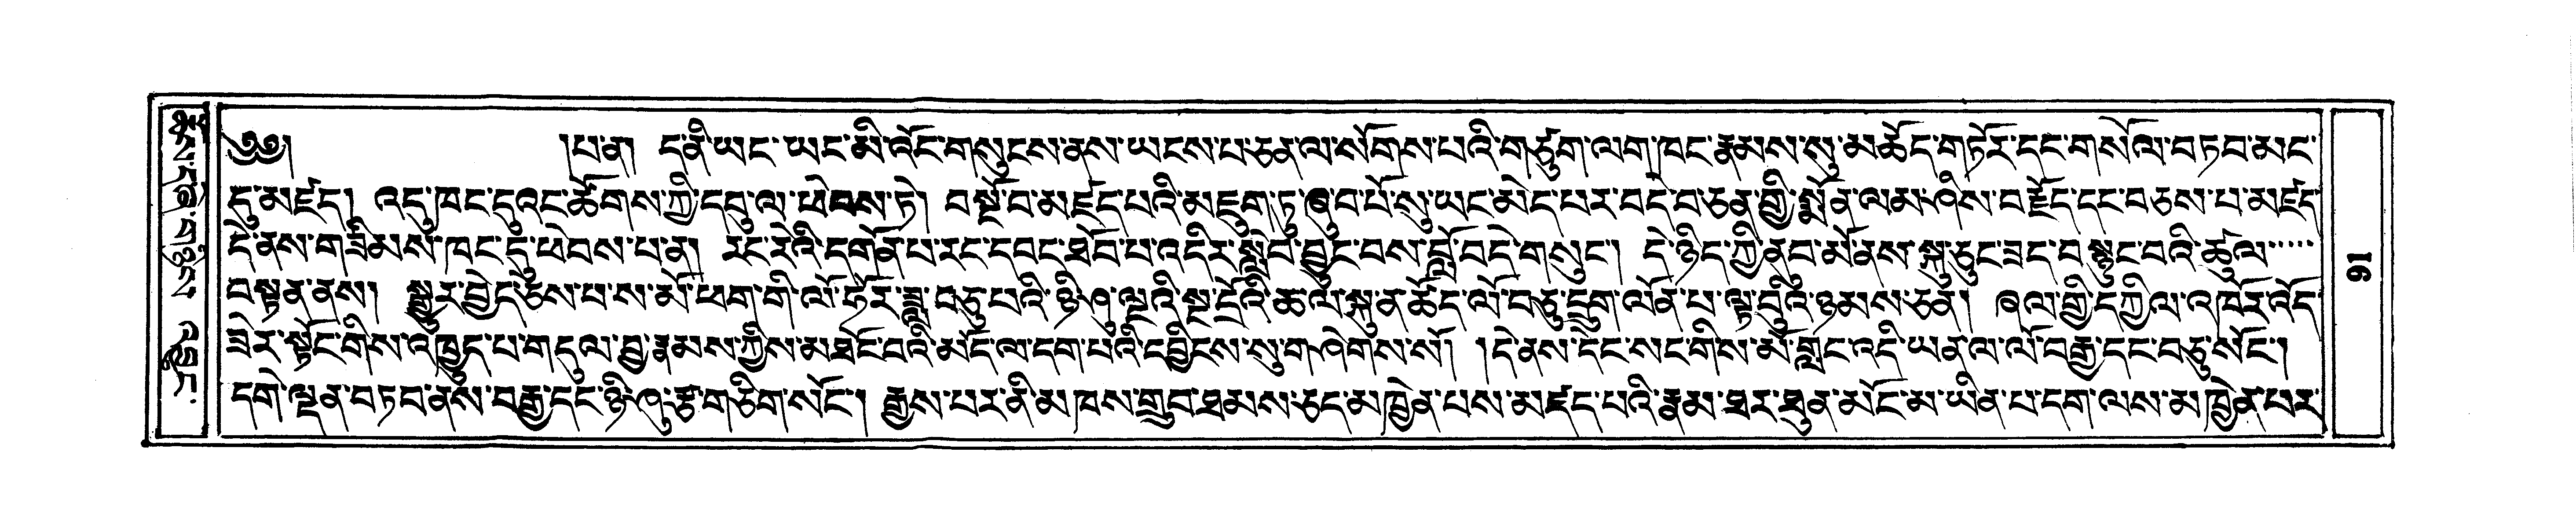༄༅། །པ་ན། ད་ནི་ཡང་ཡང་མི་འོང་གསུངས་ནས་ཡངས་པ་ཅན་ལ་སོགས་པའི་གཙུག་ལག་ཁང་རྣམས་སུ་མཆོད་གཏོར་དང་གསོལ་བཏབ་མང་
དུ་མཛད། འདུ་ཁང་དུའང་ཚོགས་ཀྱི་དབུ་ལ་ཕེབས་ཏེ། བསྔོ་བ་མཛད་པའི་མཇུག་ཏུ་ཞུ་བ་པོ་སུ་ཡང་མེད་པར་བདེ་བ་ཅན་གྱི་སྨོན་ལམ་ཤིས་བརྗོད་དང་བཅས་པ་མཛད་
དེ་ནས་གཟིམས་ཁང་དུ་ཕེབས་པ་ན། རང་རེའི་དགོན་པ་རང་དབང་ཐོབ་པ་འདིར་སླེབ་བྱུང་བས་བློ་བདེ་གསུང་། དེ་ཉིད་ཀྱི་ནུབ་མོ་ནས་སྐུ་ཅུང་ཟད་བསྙུང་བའི་ཚུལ་
བསྟན་ནས། སྒྱུར་བྱེད་ཅེས་པ་ས་མོ་ཕག་གི་ལོ་ཧོར་ཟླ་བཅུ་པའི་ཉི་ཤུ་ལྔའི་སྔ་དྲོའི་ཆ་ལ་སྐུ་ན་ཚོད་ལོ་བཅུ་དྲུག་ལོན་པ་ལྟ་བུའི་ཉམས་ཅན། ཞལ་གྱི་དཀྱིལ་འཁོར་འོད་
ཟེར་སྟོང་གིས་འཁྱུད་པ་གདུལ་བྱ་རྣམས་ཀྱིས་མཐོང་བའི་མོད་ལ་དག་པའི་དབྱིངས་སུ་གཤེགས་སོ། །དེ་ནས་དེང་སང་གི་ས་མོ་གླང་འདི་ཡན་ལ་ལོ་བརྒྱ་དང་བཅུ་སོང་།
དགེ་ལྡན་བཏབ་ནས་བརྒྱ་དང་ཉི་ཤུ་རྩ་གཅིག་སོང་། རྒྱས་པར་ནི་མཁས་གྲུབ་ཐམས་ཅད་མཁྱེན་པས་མཛད་པའི་རྣམ་ཐར་ཐུན་མོང་མ་ཡིན་པ་དག་ལས་མཁྱེན་པར་